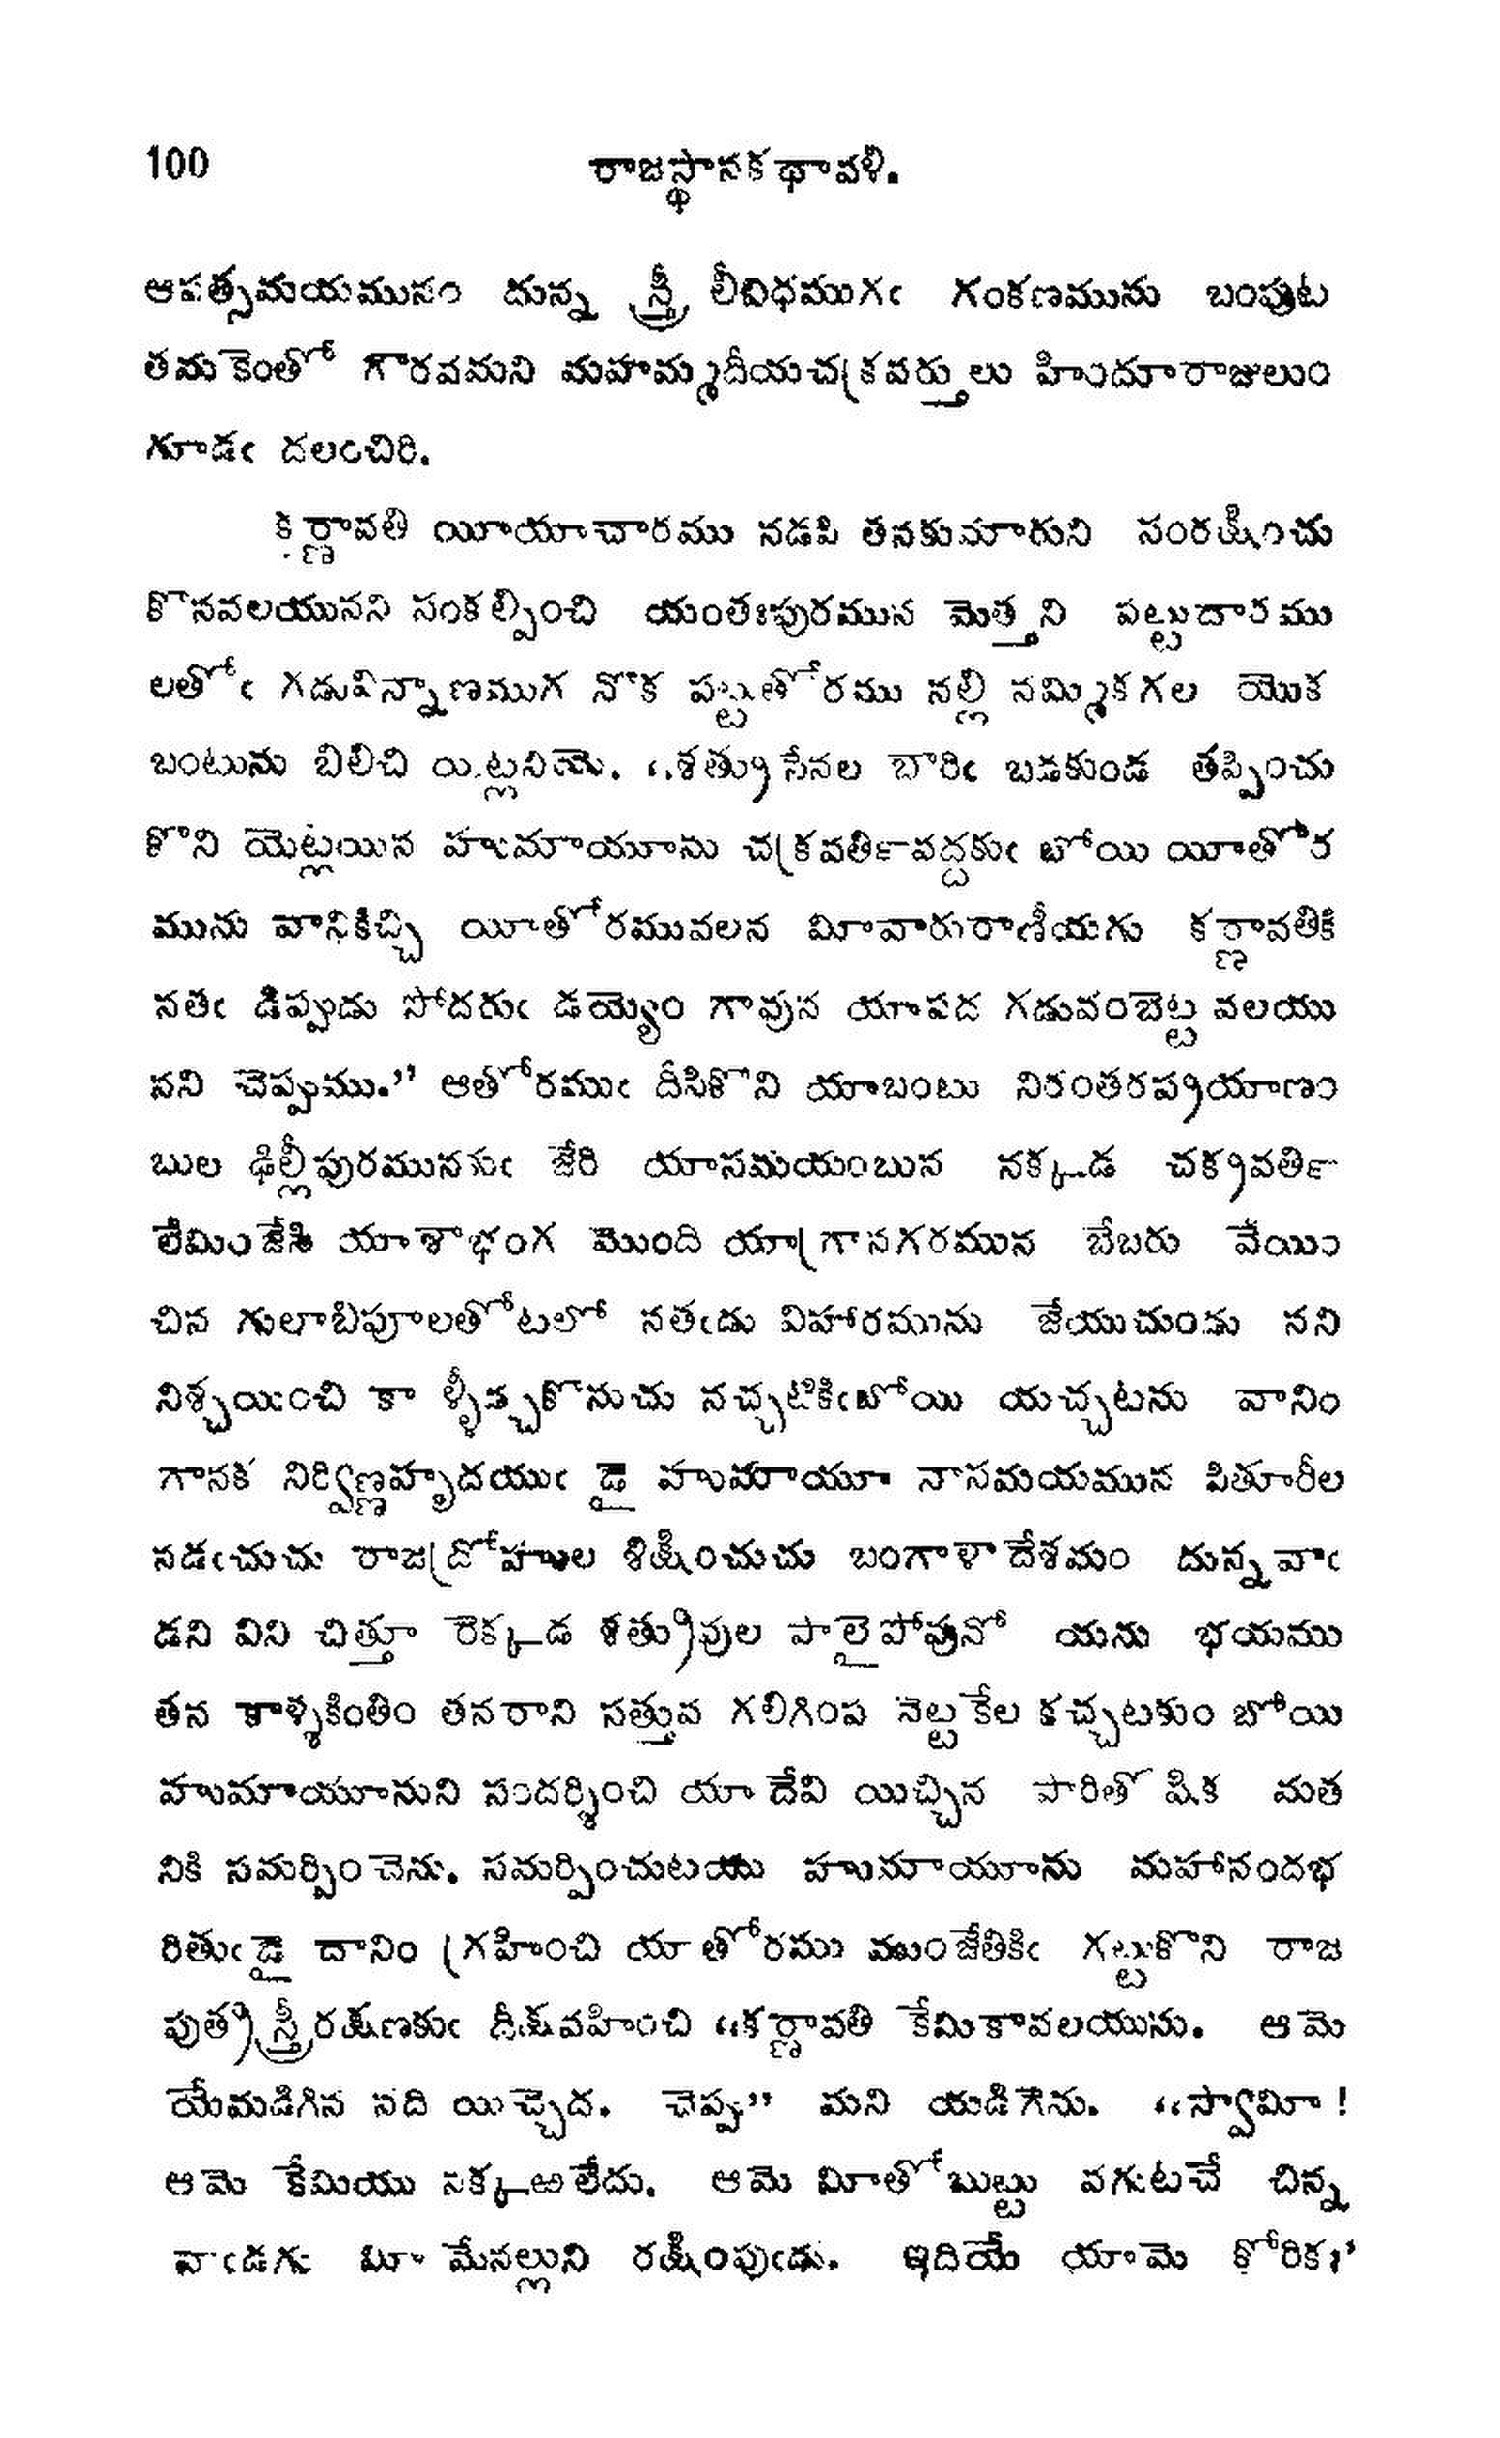ఆపత్సమయమునం దున్న స్త్రీ లీవిధముగఁ గంకణమును బంపుట తను కెంతో గౌరవమని మహమ్మదీయ చక్రవర్తులు హిందూరాజులుం
గూడఁ దలంచిరి.

కర్ణావతి యీయాచారము నడపి తనకుమారుని సంరక్షించు కొనవలయునని సంకల్పించి యంతఃపురమున మెత్తని పట్టుదారములతోఁ గడువిన్నాణముగ నొక పట్టుతోరము నల్లి నమ్మిక గల యొక బంటును బిలిచి యిట్లనియె. "శత్రు సేనల బారిఁ బడకుండ తప్పించు
కొని యెట్లయిన హుమాయూను చక్రవతి౯ వద్దకుఁ బోయి యీతోరమును వానికిచ్చి యీతోరమునలన మీవారు రాణీయగు కర్ణావతికి
నతఁ డిప్పుడు సోదరుఁ డయ్యెం గావున యాపడ గడువంబెట్ట వలయునని చెప్పుము. " ఆతరముఁ దీసికోని యాబంటు నిరంతర ప్రయాణంబుల ఢిల్లీ పురమునకుఁ జేరి యాసమయంబున నక్కడ చక్రవతి౯ లేమింజేసి యాశాభంగ మొంది యాగ్రా నగరమున బేబరు వేయిం
చిన గులాబిపూలతోటలో నతఁడు విహారమును జేయుచుండు నని నిశ్చయించి కాళ్ళీడ్చు కొనుచు నచ్చటికిఁబోయి యచ్చటను వానింగానక నిర్విణ్ణహృదయుఁ డై హుమాయూ నాసమయమున పితూరీల నడఁచుచు రాజద్రోహుల శిక్షించుచు బంగాళా దేశమం దున్నవాఁడని విని చిత్తూ రెక్కడ శత్రువుల పాలైపోవునో యను భయము తన కాళ్ళకింతిం తనరాని సత్తువ గలిగింప నెట్టకేల కచ్చటకుం బోయి హుమాయూనుని సందర్శించి యా దేవి యిచ్చిన పారితోషిక మతనికి సమర్పించెను. సమర్పించుటయు హుమాయూను మహానంద భరితుఁడై దానిం గ్రహించి యాతోరము ముంజేతికిఁ గట్టుకొని రాజపుత్ర స్త్రీరక్షణకుఁ దీక్ష వహించి "కర్ణావతి కేమి కావలయును. యేమడిగిన నది యిచ్చెద. చెప్పు” మని యడిగెను. "స్వామీ ! ఆమె కేమియు నక్కఱ లేదు. ఆమె మీతోబుట్టు వగుటచే చిన్నవాఁడగు మీ మేనల్లుని రక్షింపుఁడు. ఇదియే యామె కోరిక !"